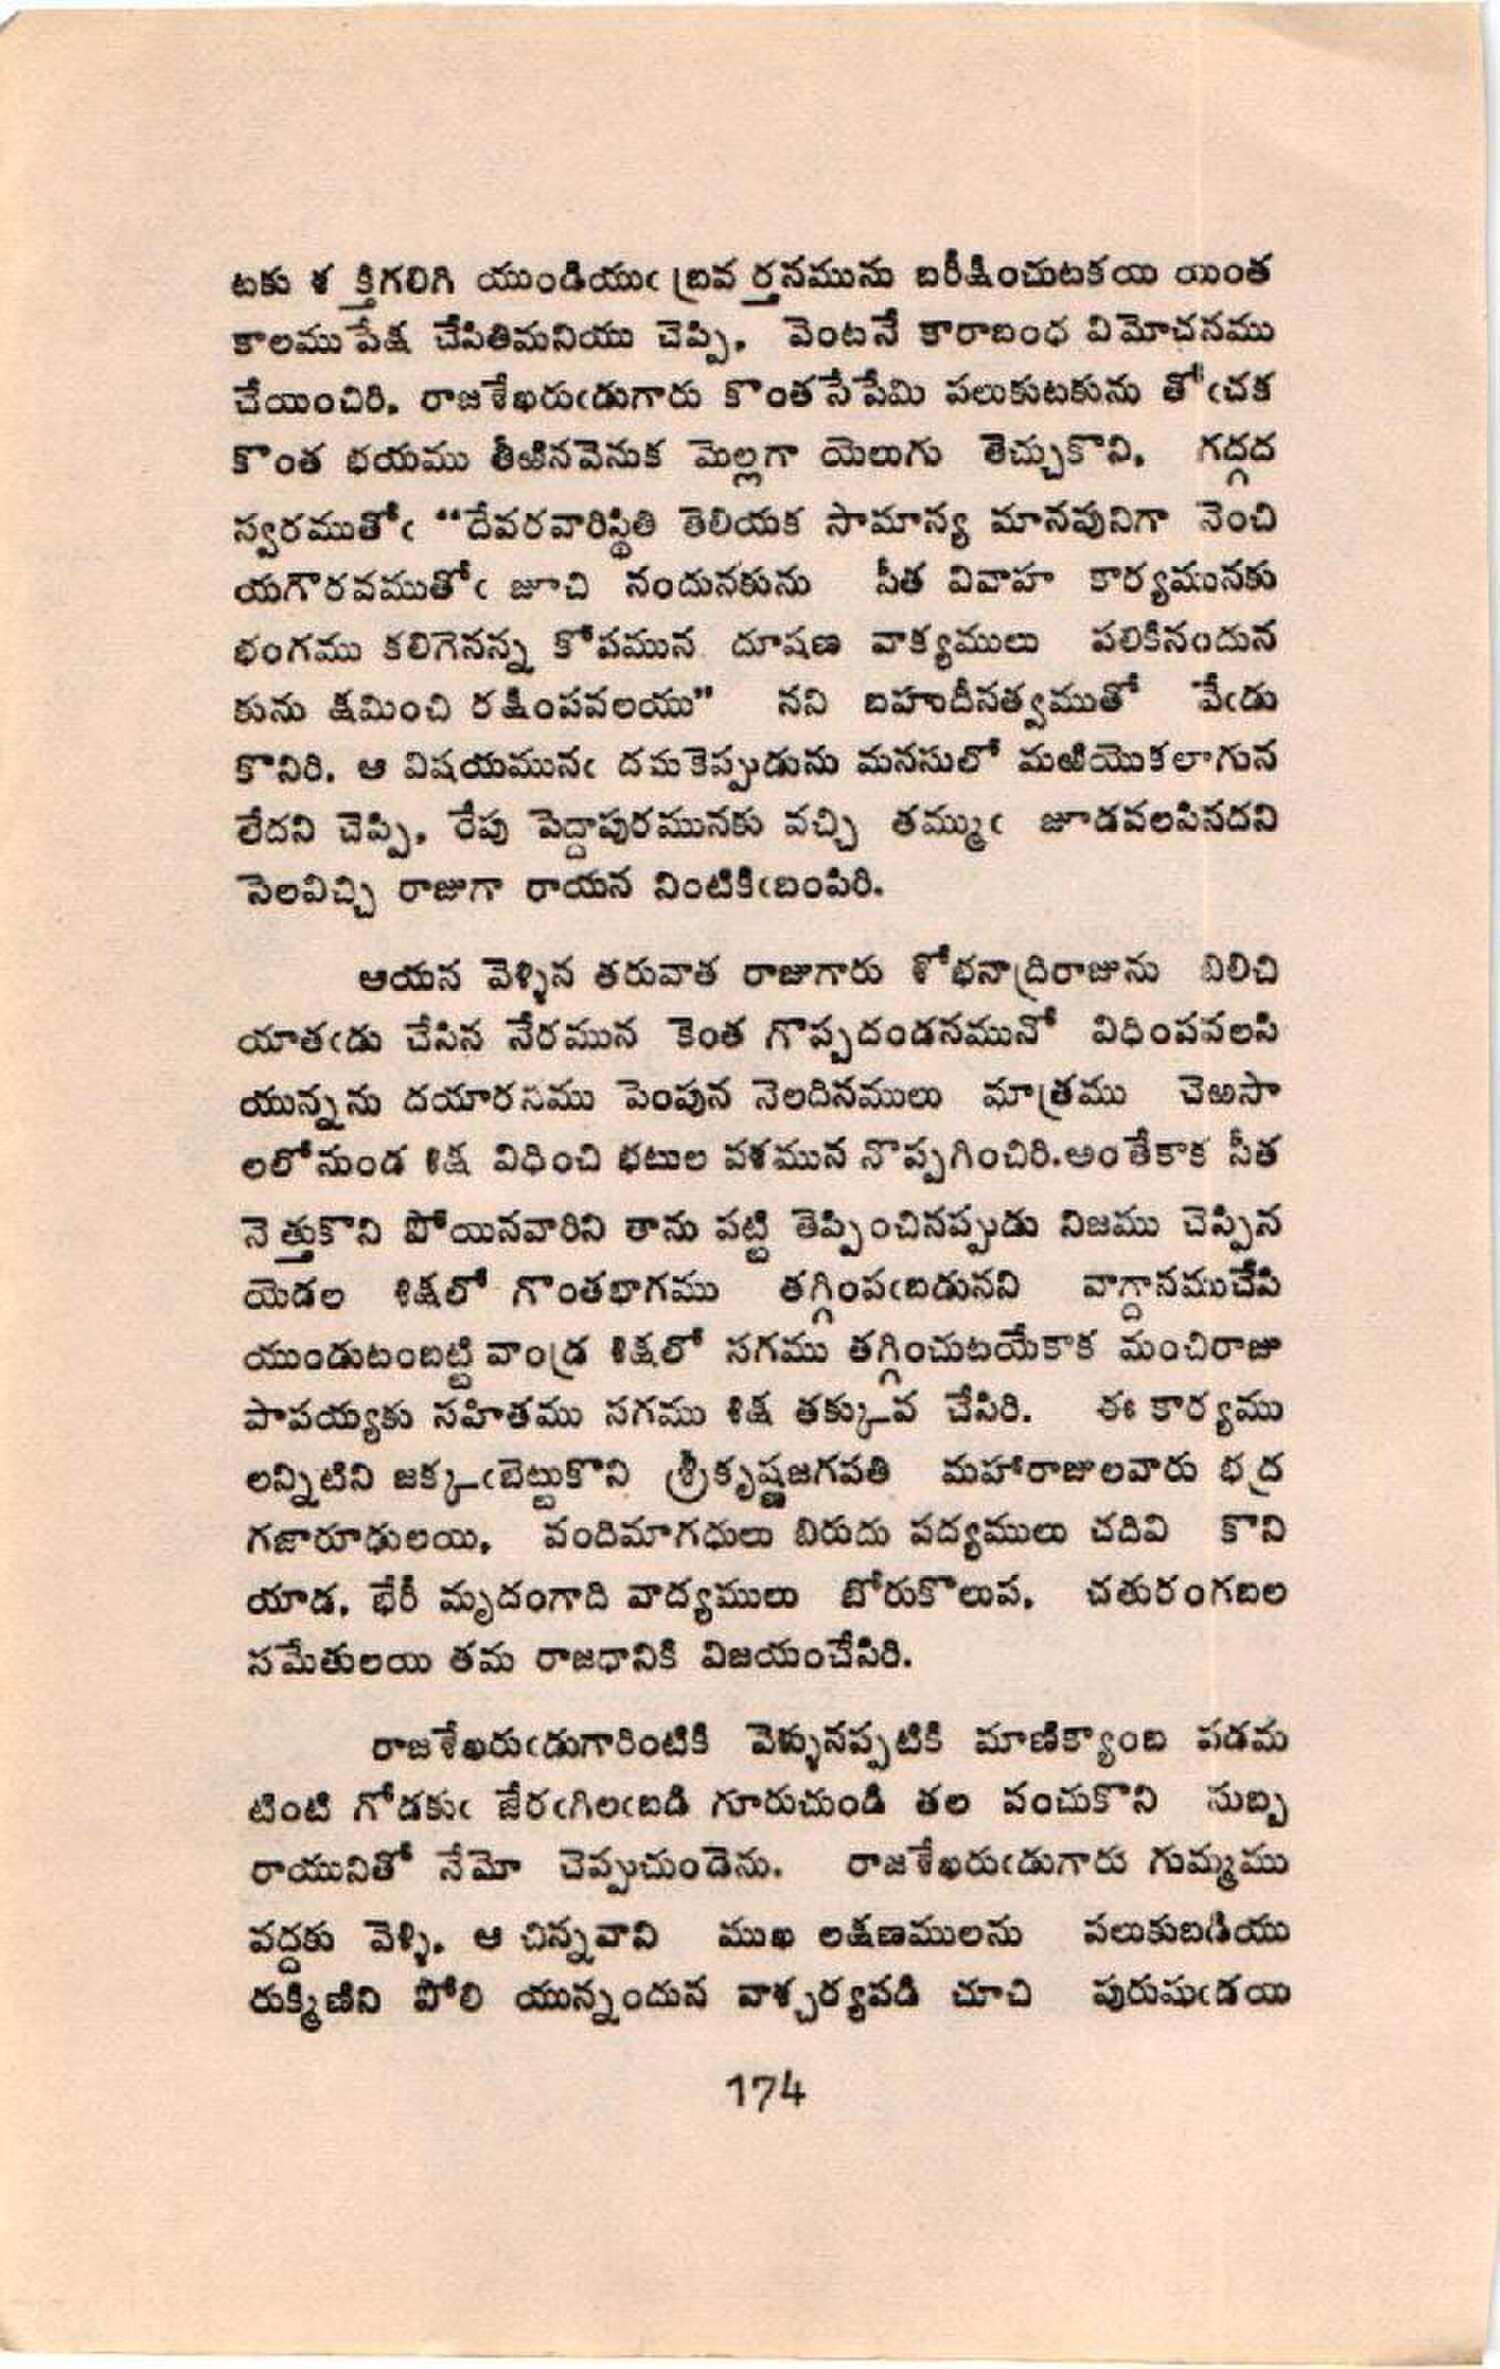టకు శక్తిగలిగి యుండియు బ్రవర్తనమును బరీక్షించుటకయి యింత కాలము పేక్ష చేసితిమనియు చెప్పి, వెంటనే కారాబంధ విమోచనము చేయించిరి. రాజశేఖరుడుగారు కొంతసేపేమి పలుకుటకును తోచక కొంత భయము తీఱినవెనుక మెల్లగా యెలుగు తెచ్చుకొని, గద్దద స్వరముతోఁ "దేవరవారిస్థితి తెలియక సామాన్య మానవునిగా నెంచి యగౌరవముతోఁ జూచి నందునకును సీత వివాహ కార్యమునకు భంగము కలిగెనన్న కోపమున దూషణ వాక్యములు పలికినందున కును క్షమించి రక్షింపవలయు" నని బహుదీనత్వముతో వేడు కొనిరి. ఆ విషయమునఁ దమకెప్పడును మనసులో మఱియొకలాగున లేదని చెప్పి, రేపు పెద్దాపురమునకు వచ్చి తమ్ముఁ జూడవలసినదని సెలవిచ్చి రాజుగా రాయన నింటికిఁ బంపిరి.

ఆయన వెళ్ళిన తరువాత రాజుగారు శోభనాద్రిరాజును బిలిచి యాతఁడు చేసిన నేరమున కెంత గొప్పదండనమునో విధింపవలసి యున్నను దయారసము పెంపున నెలదినములు మాత్రము చెఱసాలలోనుండ శిక్ష విధించి భటుల వశమున నొప్పగించిరి.అంతేకాక సీత నెత్తుకొని పోయినవారిని తాను పట్టి తెప్పించినప్పుడు నిజము చెప్పిన యెడల శిక్షలో గొంతభాగము తగ్గింపఁబడునని వాగ్దానముచేసి యుండుటంబట్టి వాండ్ర శిక్షలో సగము తగ్గించుటయేకాక మంచిరాజు పాపయ్యకు సహితము సగము శిక్ష తక్కువ చేసిరి. ఈ కార్యము లన్నిటిని జక్క బెట్టుకొని శ్రీకృష్ణజగపతి మహారాజాలవారు భద్ర గజారూఢులయి, వందిమాగధులు బిరుదు పద్యములు చదివి కొని యాడ, భేరీ మృదంగాది వాద్యములు బోరుకొలుప, చతురంగబల సమేతులయి తమ రాజధానికి విజయంచేసిరి. 

రాజశేఖరుఁడుగారింటికి వెళ్ళునప్పటికి మాణిక్యాంబ పడమ టింటి గోడకుఁ జేరఁగిలఁబడి గూరుచుండి తల వంచుకొని సుబ్బ రాయునితో నేమో చెప్పచుండెను. రాజశేఖరుఁడుగారు గుమ్మము వద్దకు వెళ్ళి, ఆ చిన్నవాని ముఖ లక్షణములను పలుకుబడియు రుక్మిణిని పోలి యున్నందున 
నాశ్చచర్యపడి చూచి పురుషుఁడయి